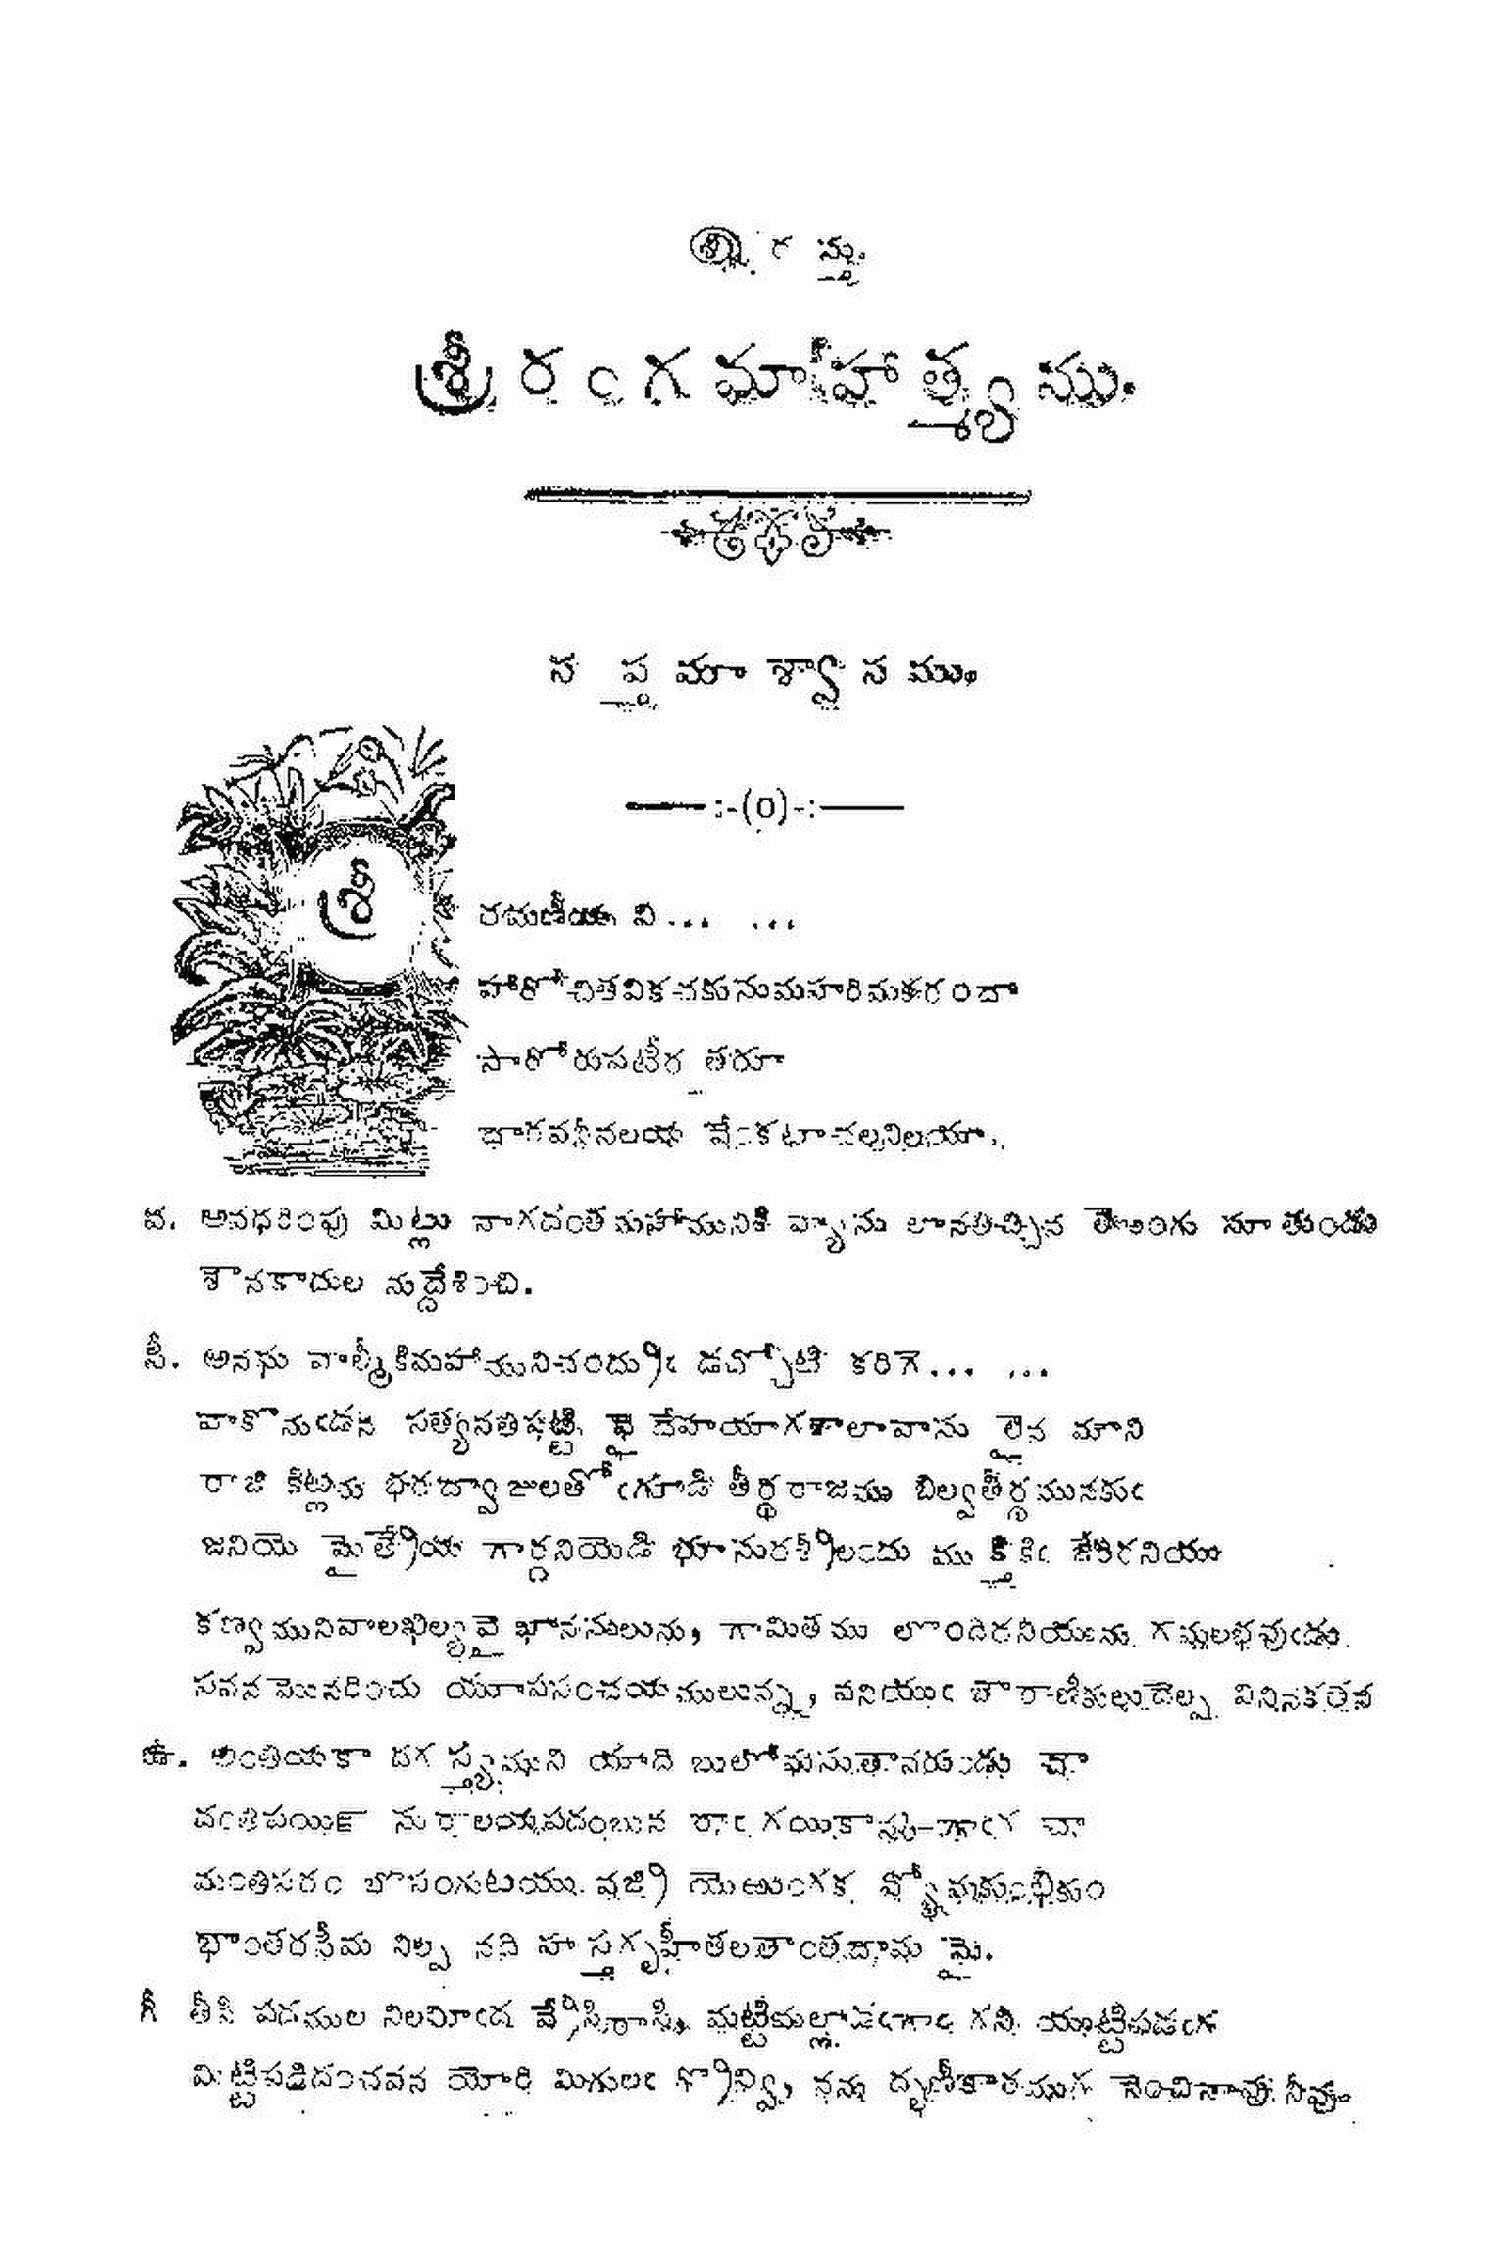శ్రీరమణీయ వి
 హారోచితవికచకుసుమహరిమకరందా
 సారోరుపటీర తరూ
 ధారవనీవలయ వేంకటాచలనిలయా.
వ. అవధరింపు మిట్లు నాగదంతమహామునికి వ్యాసు లానతిచ్చిన తెఱంగు సూతుండు
 శౌనకాదుల నుద్దేశించి.
సీ. అనఘ వాల్మీకిమహామునిచంద్రుఁ డచ్చోటి కరిగె.......
 వాకొనుఁడన సత్యవతిపట్టి వైదేహయాగశాలావాసు లైన మౌని
 రాజి కిట్లను భరద్వాజులతోఁ గూడి తీర్థరాజము బిల్వతీర్థమునకుఁ
 జనియె మైత్రేయ గార్గనియెడి భూసురశ్రీలందు ముక్తికిఁ జేరిరనియు.
 కణ్వమునివాలఖిల్యవైఖానసులును, గామితము లొందిరనియును గమలభవుఁడు
 సవన మొనరించు యూపసంచయములున్న, ననియుఁ బౌరాణికులు దెల్ప వినినకతన.
ఉ. అంతియ కా దగస్త్యముని యాది బులోమసుతావరుండు చౌ
 దంతిపయిన్చం సురాలయపదంబున రాఁ గయికాన్కగాఁగ చా
 మంతిసరం బొసంగుటయు వజ్రి యెఱుంగక వ్యోవుకుంభికుం
 భాంతరసీమ నిల్ప నది హస్తగృహీతలతాంతదామ మై.
గీ. తీసి పదముల నిలమీఁద వ్రేసి రాసి, మట్టిమల్లాడఁగాఁ గని యుట్టిపడఁగ
 మిట్టిపడిదంచవన యోరి మిగులఁ గ్రొవ్వి, నను దృణీకారముగ నెంచినావు నీవు